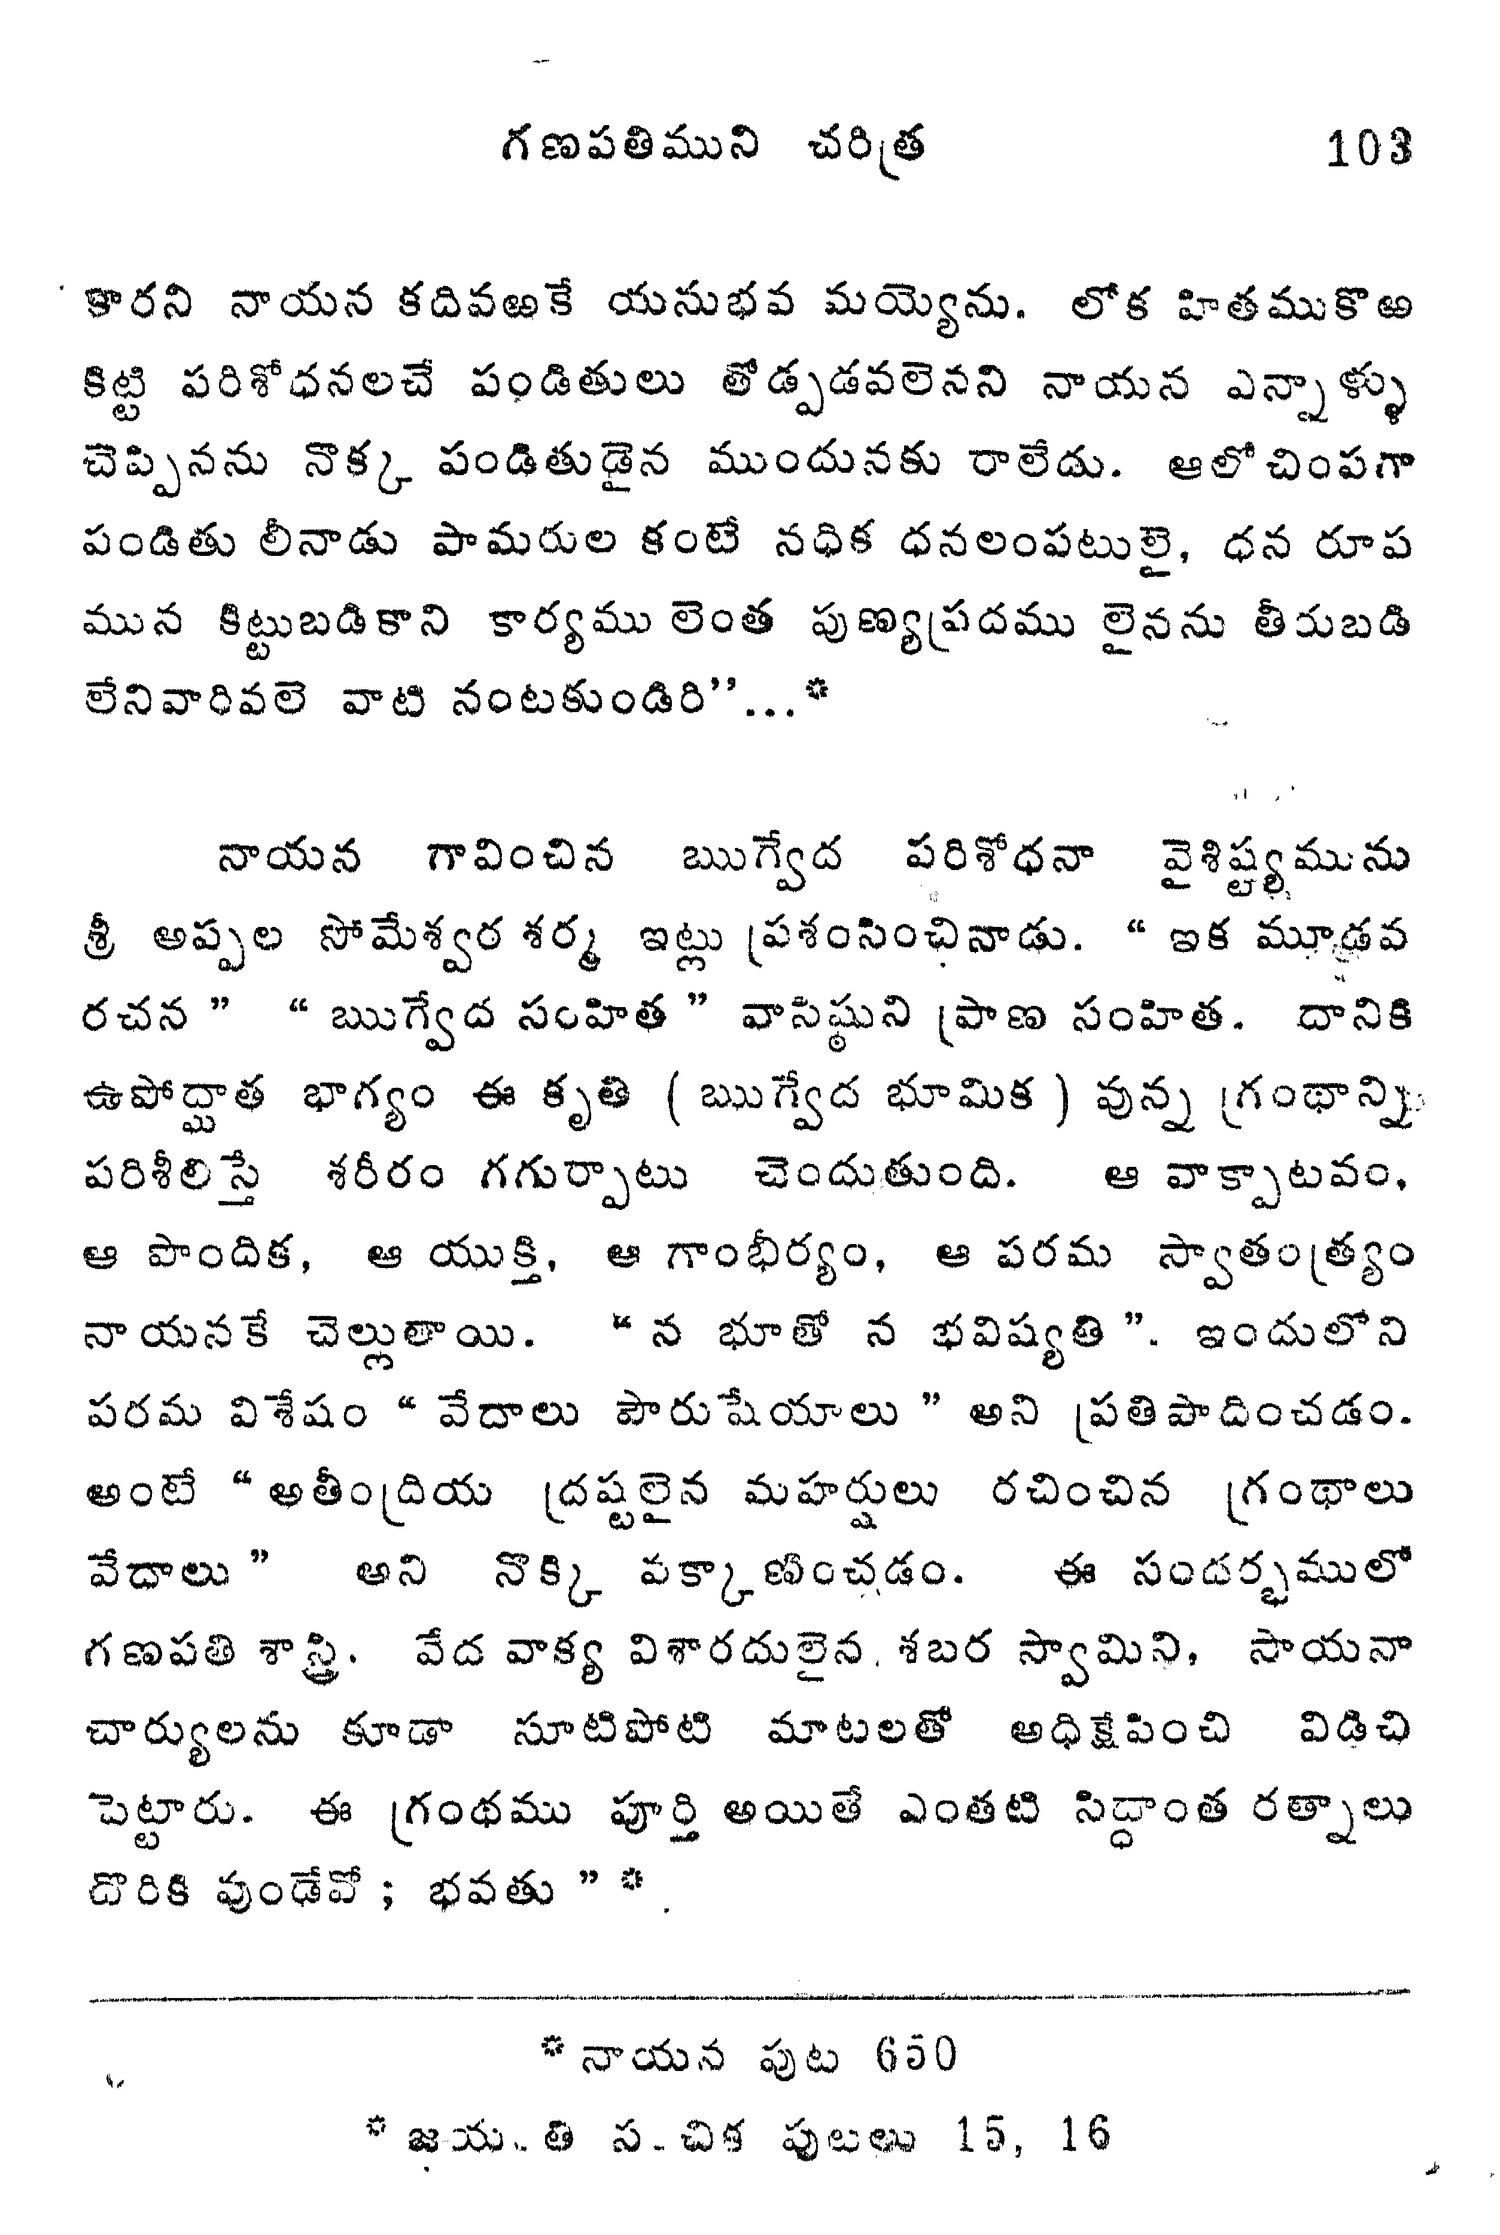కారని నాయన కదివఱకే యనుభవ మయ్యెను. లోక హితముకొఱ కిట్టి పరిశోదనలచే పండితులు తోడ్పడవలెనని నాయన ఎన్నాళ్ళు చెప్పినను నొక్క పండితుడైన ముందునకు రాలేదు. ఆలోచింపగా పండితు లీనాడు పామరుల కంటే నధిక ధనలంపటులై, ధన రూపమున కిట్టుబడికాని కార్యము లెంత పుణ్యప్రదము లైనను తీరుబడి లేనివారివలె వాటి నంటకుండిరి"...

నాయన గావించిన ఋగ్వేద పరిశోధనా వైశిష్ట్యమును శ్రీ అప్పల సోమేశ్వర శర్మ ఇట్లు ప్రశంసించినాడు. "ఇక మూడవ రచన" "ఋగ్వేద సంహిత" వాసిష్ఠుని ప్రాణ సంహిత. దానికి ఉపోద్ఘాత భాగ్యం ఈ కృతి (ఋగ్వేద భూమిక) వున్న గ్రంథాన్ని పరిశీలిస్తే శరీరం గగుర్పాటు చెందుతుంది. ఆ వాక్పాటవం, ఆ పొందిక, ఆ యుక్తి, ఆ గాంభీర్యం, ఆ పరమ స్వాతంత్ర్యం నాయనకే చెల్లుతాయి. "న భూతో న భవిష్యతి". ఇందులోని పరమ విశేషం "వేదాలు పౌరుషేయాలు" అని ప్రతిపాదించడం. అంటే "అతీంద్రియ ద్రష్టలైన మహర్షులు రచించిన గ్రంథాలు వేదాలు" అని నొక్కి వక్కాణించడం. ఈ సందర్భములో గణపతి శాస్త్రి, వేద వాక్య విశారుదులైన శబర స్వామిని, సాయనా చార్యులను కూడా సూటిపోటి మాటలతో అధిక్షేపించి విడిచి పెట్టారు. ఈ గ్రంథము పూర్తి అయితే ఎంతటి సిద్దాంత రత్నాలు దొరికి వుండేవో; భవతు"